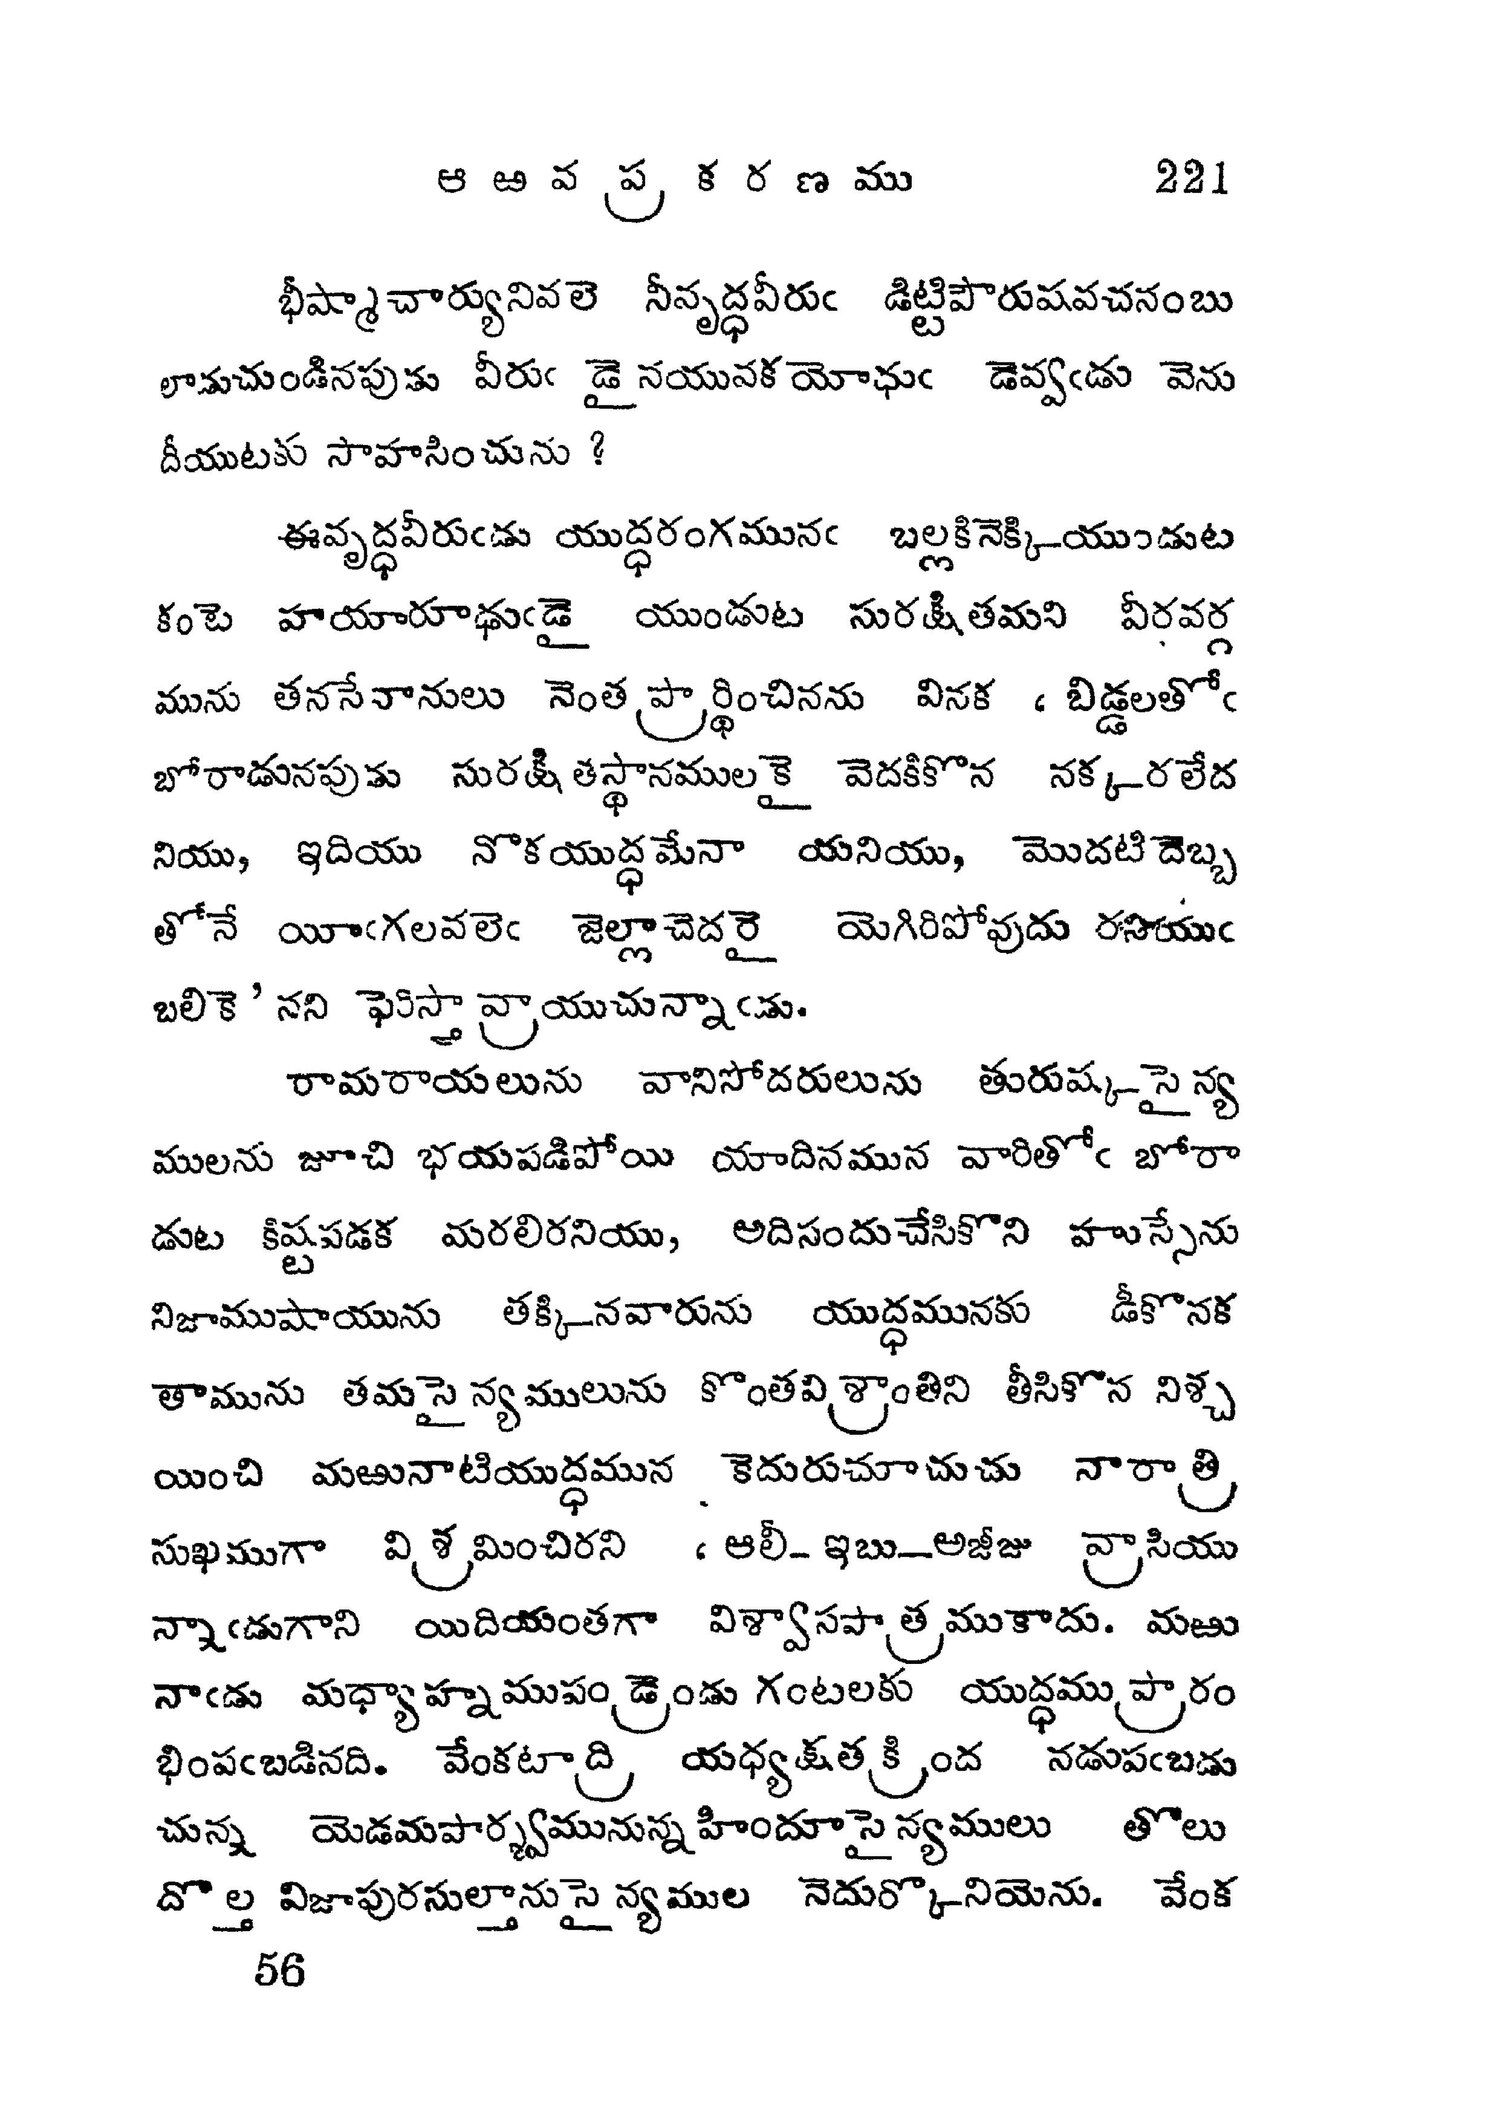భీష్మాచార్యునివలె నీవృద్ధవీరు డిట్టిపౌరుషవచనంబు లాడుచుండినపుడు వీరు డైనయువకయోధు డెవ్వడు వెనుదీయుటకు సాహసించును ?

ఈవృద్ధవీరుడు యుద్ధరంగమున బల్లకినెక్కియుండుట కంటె హయారూడుడై యుండుట సురక్షితమని వీరవర్గమును తనసేనానులు నెంతప్రార్థించినను వినక 'బిడ్డలతో బోరాడునపుడు సురక్షితస్థానములకై వెదకికొన నక్కరలేదనియు, ఇదియు నొకయుద్ధమేనా యనియు, మొదటిదెబ్బతోనే యీగలవలె జెల్లాచెదరై యెగిరిపోవుదు రనియు బలికె' నని ఫెరిస్తా వ్రాయుచున్నాడు.

రామరాయలును వానిసోదరులును తురుష్కసైన్యములను జూచి భయపడిపోయి యాదినమున వారితో బోరాడుట కిష్టపడక మరలిరనియు, అదిసందుచేసికొని హుస్సేనునిజాముషాయును తక్కినవారును యుద్ధమునకు డీకొనక తామును తమసైన్యములును కొంతవిశ్రాంతిని తీసికొన నిశ్చయించి మఱునాటియుద్ధమున కెదురుచూచుచు నారాత్రి సుఖముగా విశ్రమించిరని 'అలీ - ఇబు - అజీజు' వ్రాసియున్నాడుగాని యిదియంతగా విశ్వాసపాత్రముకాదు. మఱునాడు మధ్యాహ్నముపండ్రెండు గంటలకు యుద్ధముప్రారంభింపబడినది. వేంకటాద్రి యధ్యక్షతక్రింద నడుపబడుచున్న యెడమ పార్శ్వమునున్న హిందూసైన్యములు తొలుదొల్త విజాపురసుల్తానుసైన్యముల నెదుర్కొనియెను. వేంక